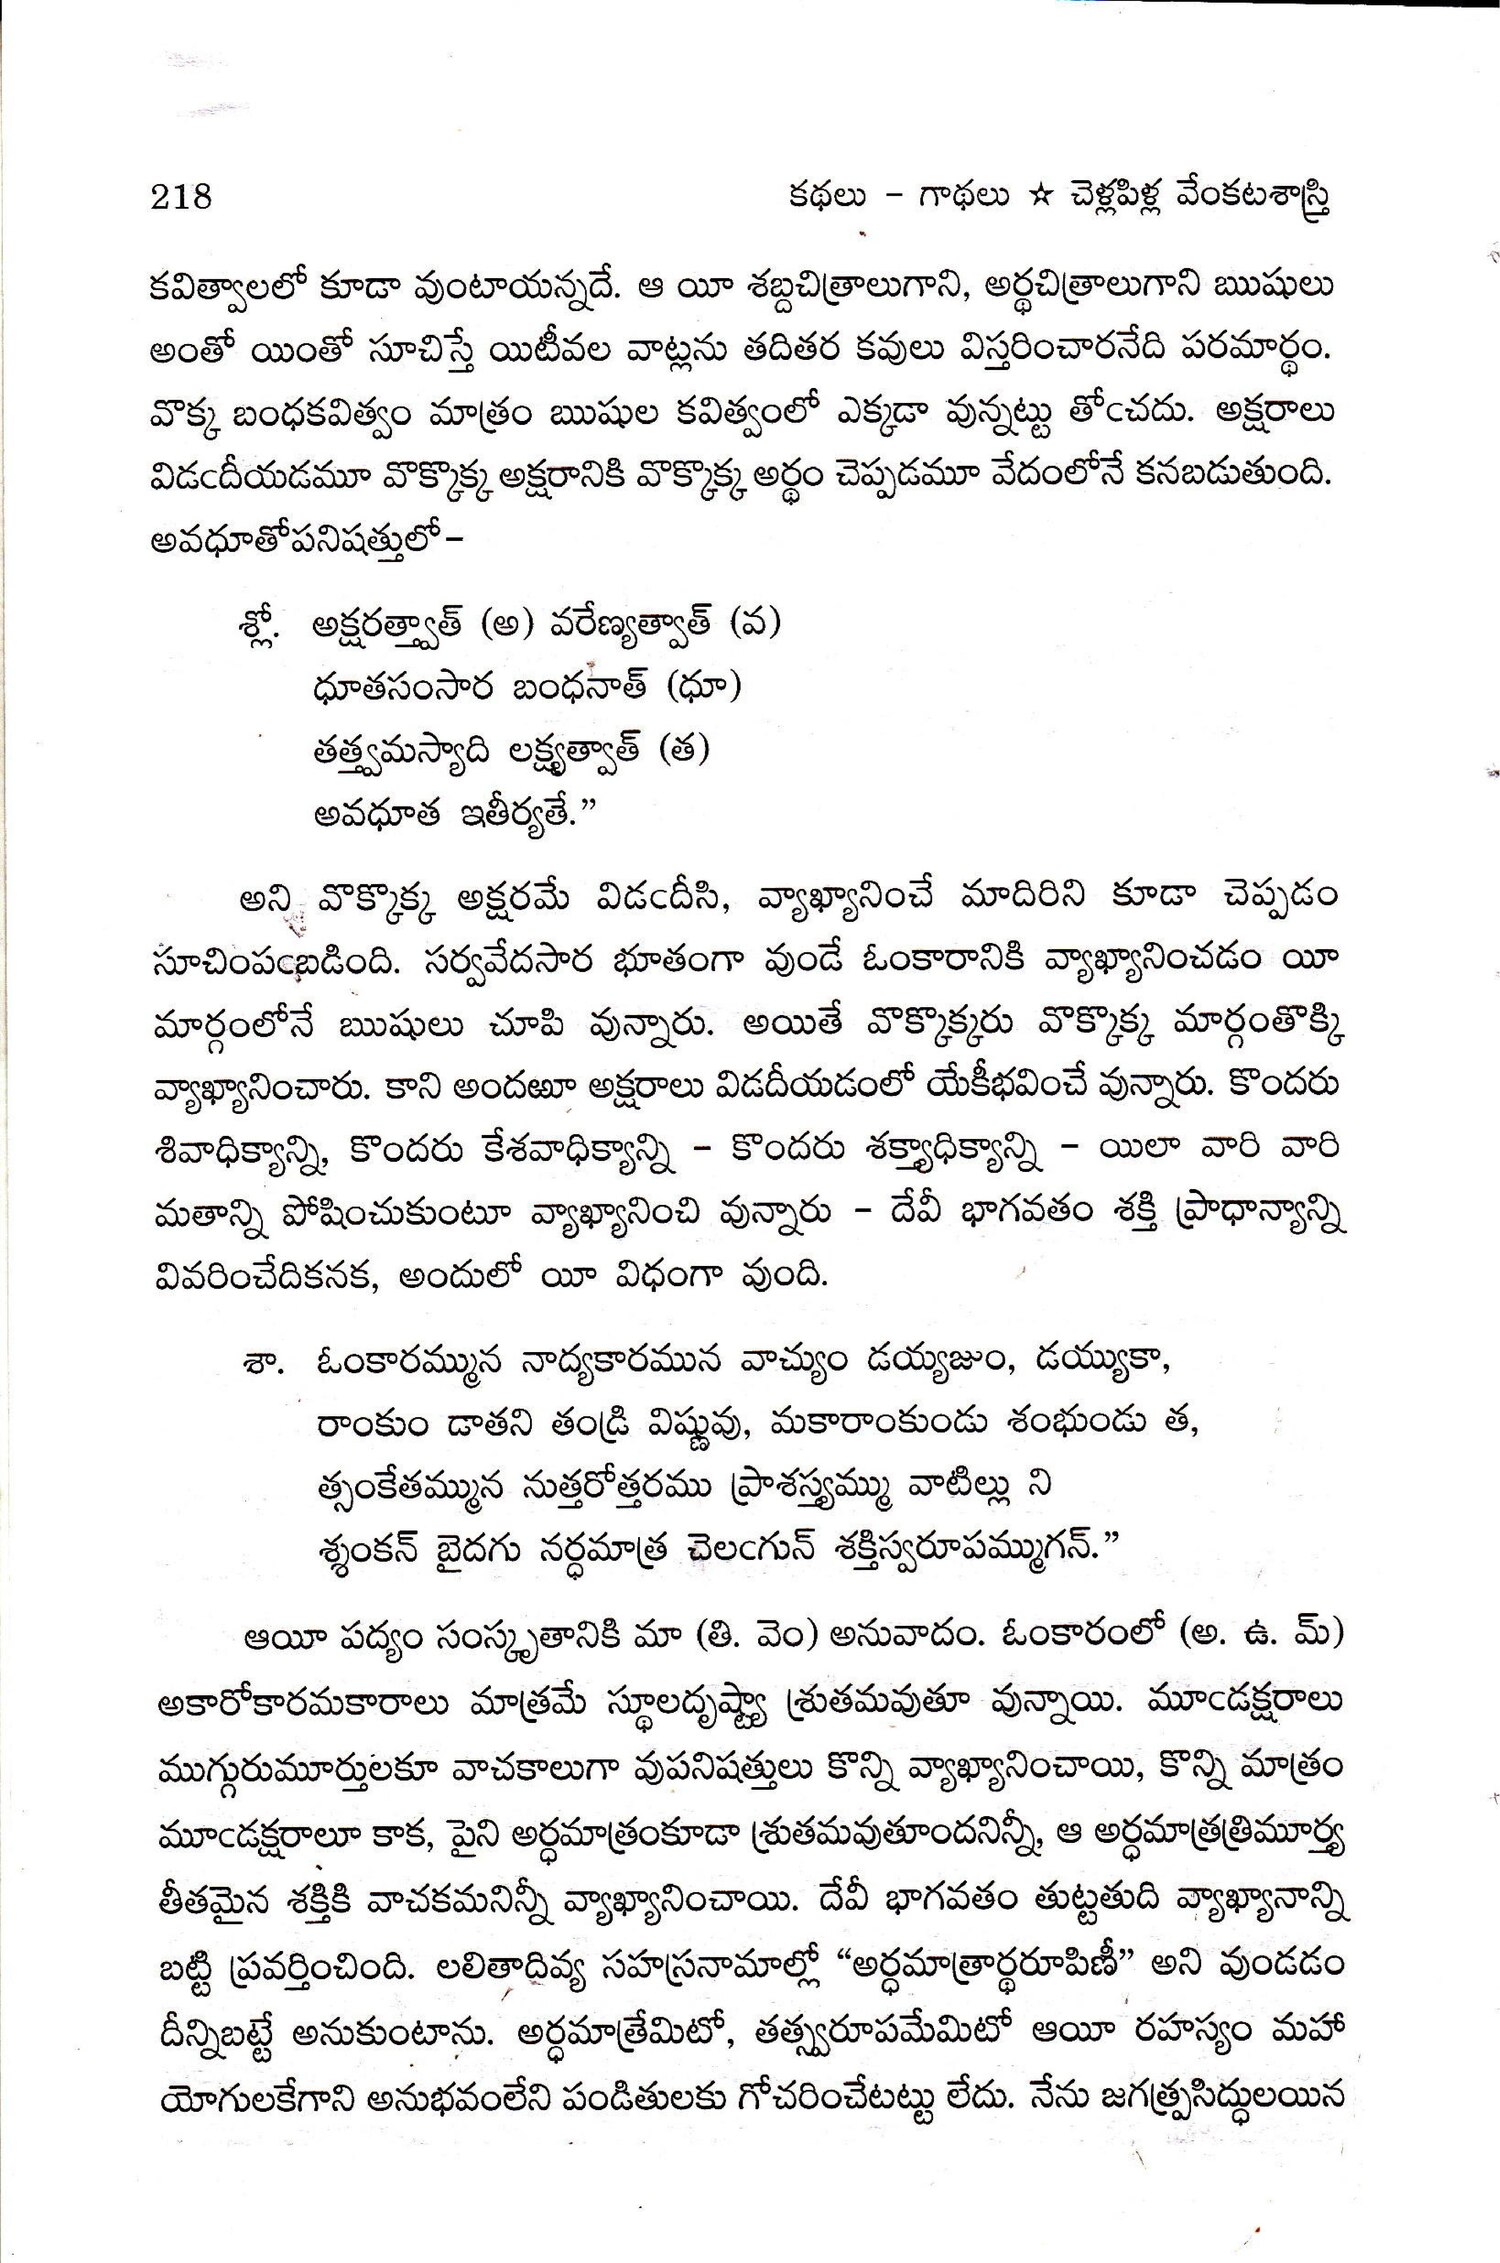కవిత్వాలలో కూడా వుంటాయన్నదే. ఆ యీ శబ్దచిత్రాలుగాని, అర్థచిత్రాలుగాని ఋషులు అంతో యింతో సూచిస్తే యిటీవల వాట్లను తదితర కవులు విస్తరించారనేది పరమార్థం. వొక్క బంధకవిత్వం మాత్రం ఋషుల కవిత్వంలో ఎక్కడా వున్నట్టు తోఁచదు. అక్షరాలు విడcదీయడమూ వొక్కొక్క అక్షరానికి వొక్కొక్క అర్థం చెప్పడమూ వేదంలోనే కనబడుతుంది. అవధూతోపనిషత్తులో

శ్లో. అక్షరత్త్వాత్ (అ) వరేణ్యత్వాత్ (వ)
 ధూతసంసార బంధనాత్ (ధూ) 
 తత్త్వమస్యాది లక్ష్యత్వాత్ (త) 
 అవధూత ఇతీర్యతే."
అని వొక్కొక్క అక్షరమే విడఁదీసి, వ్యాఖ్యానించే మాదిరిని కూడా చెప్పడం సూచింపఁబడింది. సర్వవేదసార భూతంగా వుండే ఓంకారానికి వ్యాఖ్యానించడం యీ మార్గంలోనే ఋషులు చూపి వున్నారు. అయితే వొక్కొక్కరు వొక్కొక్క మార్గంతొక్కి వ్యాఖ్యానించారు. కాని అందఱూ అక్షరాలు విడదీయడంలో యేకీభవించే వున్నారు. కొందరు శివాధిక్యాన్ని కొందరు కేశవాధిక్యాన్ని - కొందరు శక్త్యాధిక్యాన్ని - యిలా వారి వారి మతాన్ని పోషించుకుంటూ వ్యాఖ్యానించి వున్నారు - దేవీ భాగవతం శక్తి ప్రాధాన్యాన్ని వివరించేదికనక, అందులో యీ విధంగా వుంది.

శా. ఓంకారమ్మున నాద్యకారమున వాచ్యం డయ్యజుం, డయ్యుకా,
 రాంకుం డాతని తండ్రి విష్ణువు, మకారాంకుండు శంభుండు త, 
 త్సంకేతమ్మున నుత్తరోత్తరము ప్రాశస్త్యమ్ము వాటిల్లు ని 
 శ్శంకన్ బైదగు నర్ధమాత్ర చెలఁగున్ శక్తిస్వరూపమ్ముగన్."
ఆయీ పద్యం సంస్కృతానికి మా (తి. వెం) అనువాదం. ఓంకారంలో (అ. ఉ. మ్) అకారోకారమకారాలు మాత్రమే స్థూలదృష్ట్యా శ్రుతమవుతూ వున్నాయి. మూఁడక్షరాలు ముగ్గురుమూర్తులకూ వాచకాలుగా వుపనిషత్తులు కొన్ని వ్యాఖ్యానించాయి, కొన్ని మాత్రం మూఁడక్షరాలూ కాక, పైని అర్ధమాత్రంకూడా శ్రుతమవుతూందనిన్నీ ఆ అర్ధమాత్రత్రిమూర్త్య తీతమైన శక్తికి వాచకమనిన్నీ వ్యాఖ్యానించాయి. దేవీ భాగవతం తుట్టతుది వ్యాఖ్యానాన్ని బట్టి ప్రవర్తించింది. లలితాదివ్య సహస్రనామాల్లో "అర్ధమాత్రార్థరూపిణీ" అని వుండడం దీన్నిబట్టే అనుకుంటాను. అర్ధమాత్రేమిటో, తత్స్వరూపమేమిటో ఆయి రహస్యం మహా యోగులకేగాని అనుభవంలేని పండితులకు గోచరించేటట్టు లేదు. నేను జగత్ర్పసిద్దులయిన